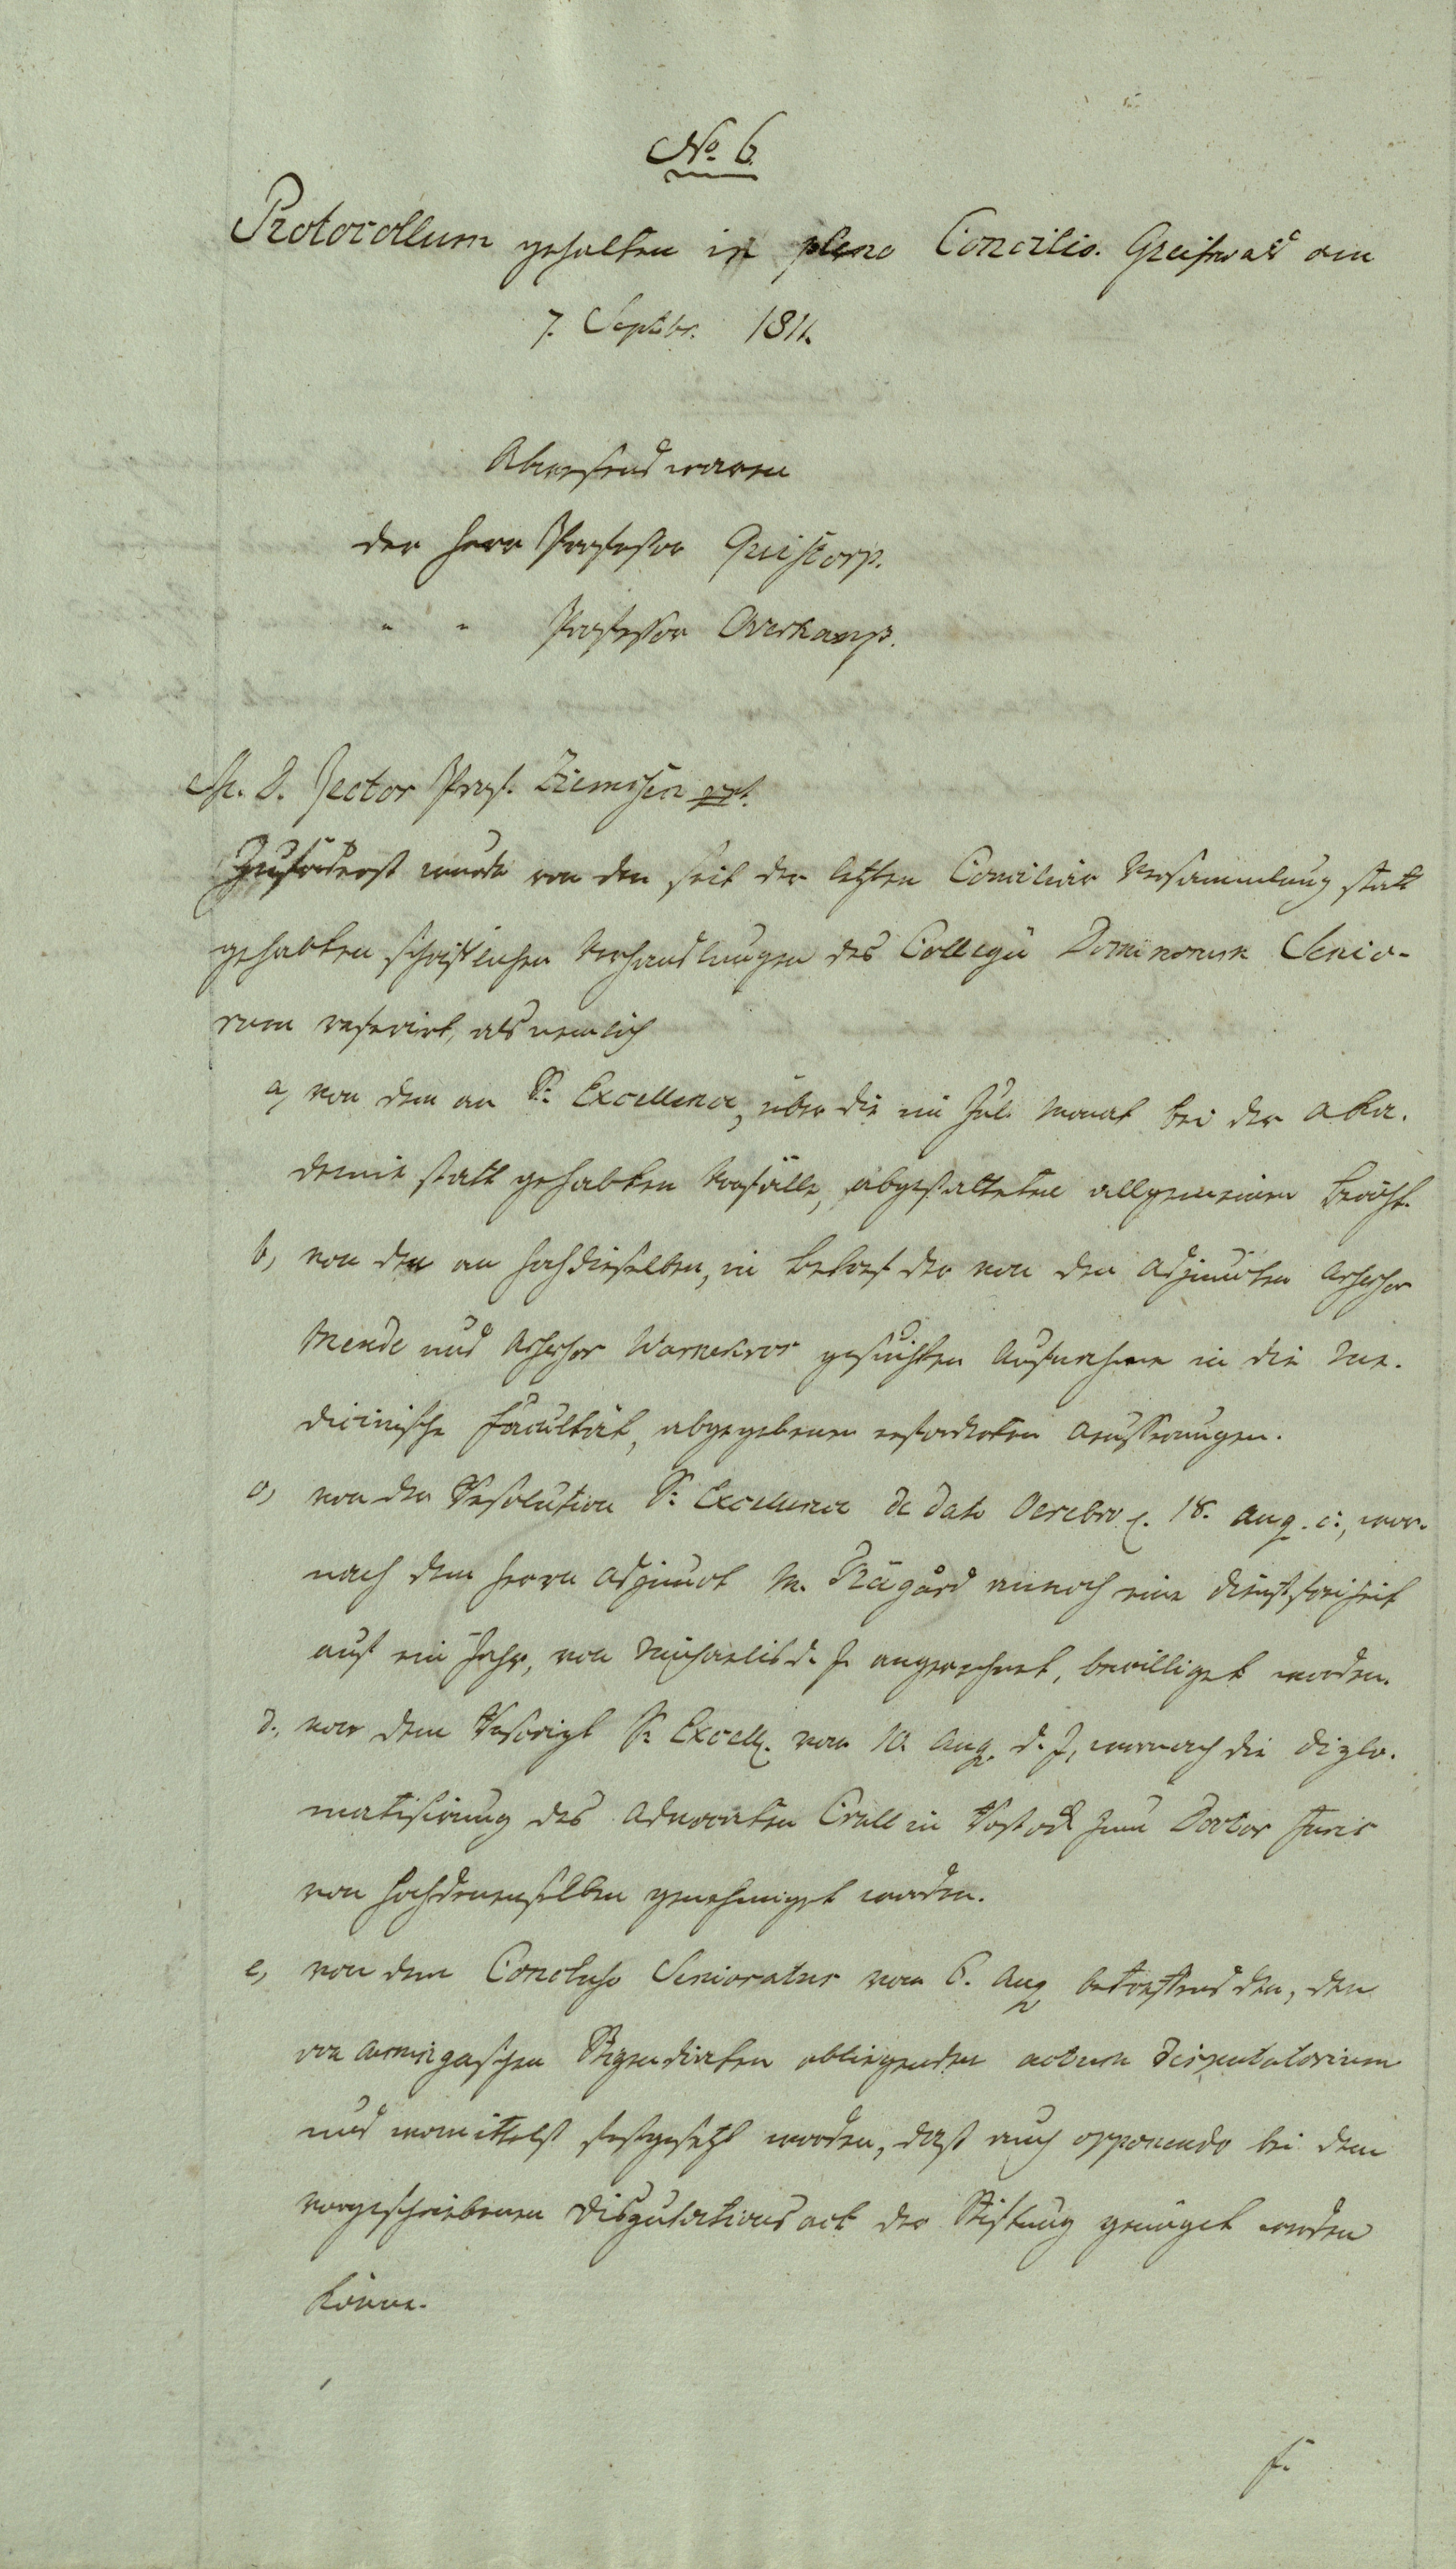Nº 6.
Protocollum gehalten in pleno Concilio. Greifswald am
7. Septbr. 1811.
Abwesend waren
der herr Professor Quistorp.
Professor Overkamp.
M. D. Rector Prof. Ziemssen ppt.
Zuförderst wurde von den seit der letzten Conciliar Versammlung statt
gehabten schriftlichen Verhandlungen des Collegii Dominorum Senio¬
rum referirt, als nemlich
a, von dem an Sr. Excellence, über die im Jul. Monat bei der aka¬
demie statt gehabten Vorfälle, abgestatteten allgemeinen Bericht.
b, von den an hochdieselben, in Betref der von den Adjuncten Assessor
Mende und Assessor Warnekros gesuchten Aufnahme in die Me¬
dicinische Facultät, abgegebenen erforderten Aeusserungen.
c, von der Resolution Sr. Excellence de dato Oerebro l. 18. Aug. ei, wor¬
nach dem herrn Adjunct M. Trägård annoch eine Dienstfreiheit
auf ein Jahr, von Michaelis d. J. angerechnet, bewilliget worden.
d, von dem Rescript Sr. Excell. vom 10. Aug. d. J. wornach die Diplo¬
matisirung des Advocaten Crull in Rostock zum Doctor Juris
von hochdenenselben genehmiget worden.
e, von dem Concluso Senioratus vom 6. Aug. betreffend den, den
von Aemingaschen Stipentiaten obliegenden actum disputatorium
und womittlest festgesetzt worden, daß auch opponendo bei dem
vorgeschriebenen Disputations act der Stiftung genüget werden
könne.
f,